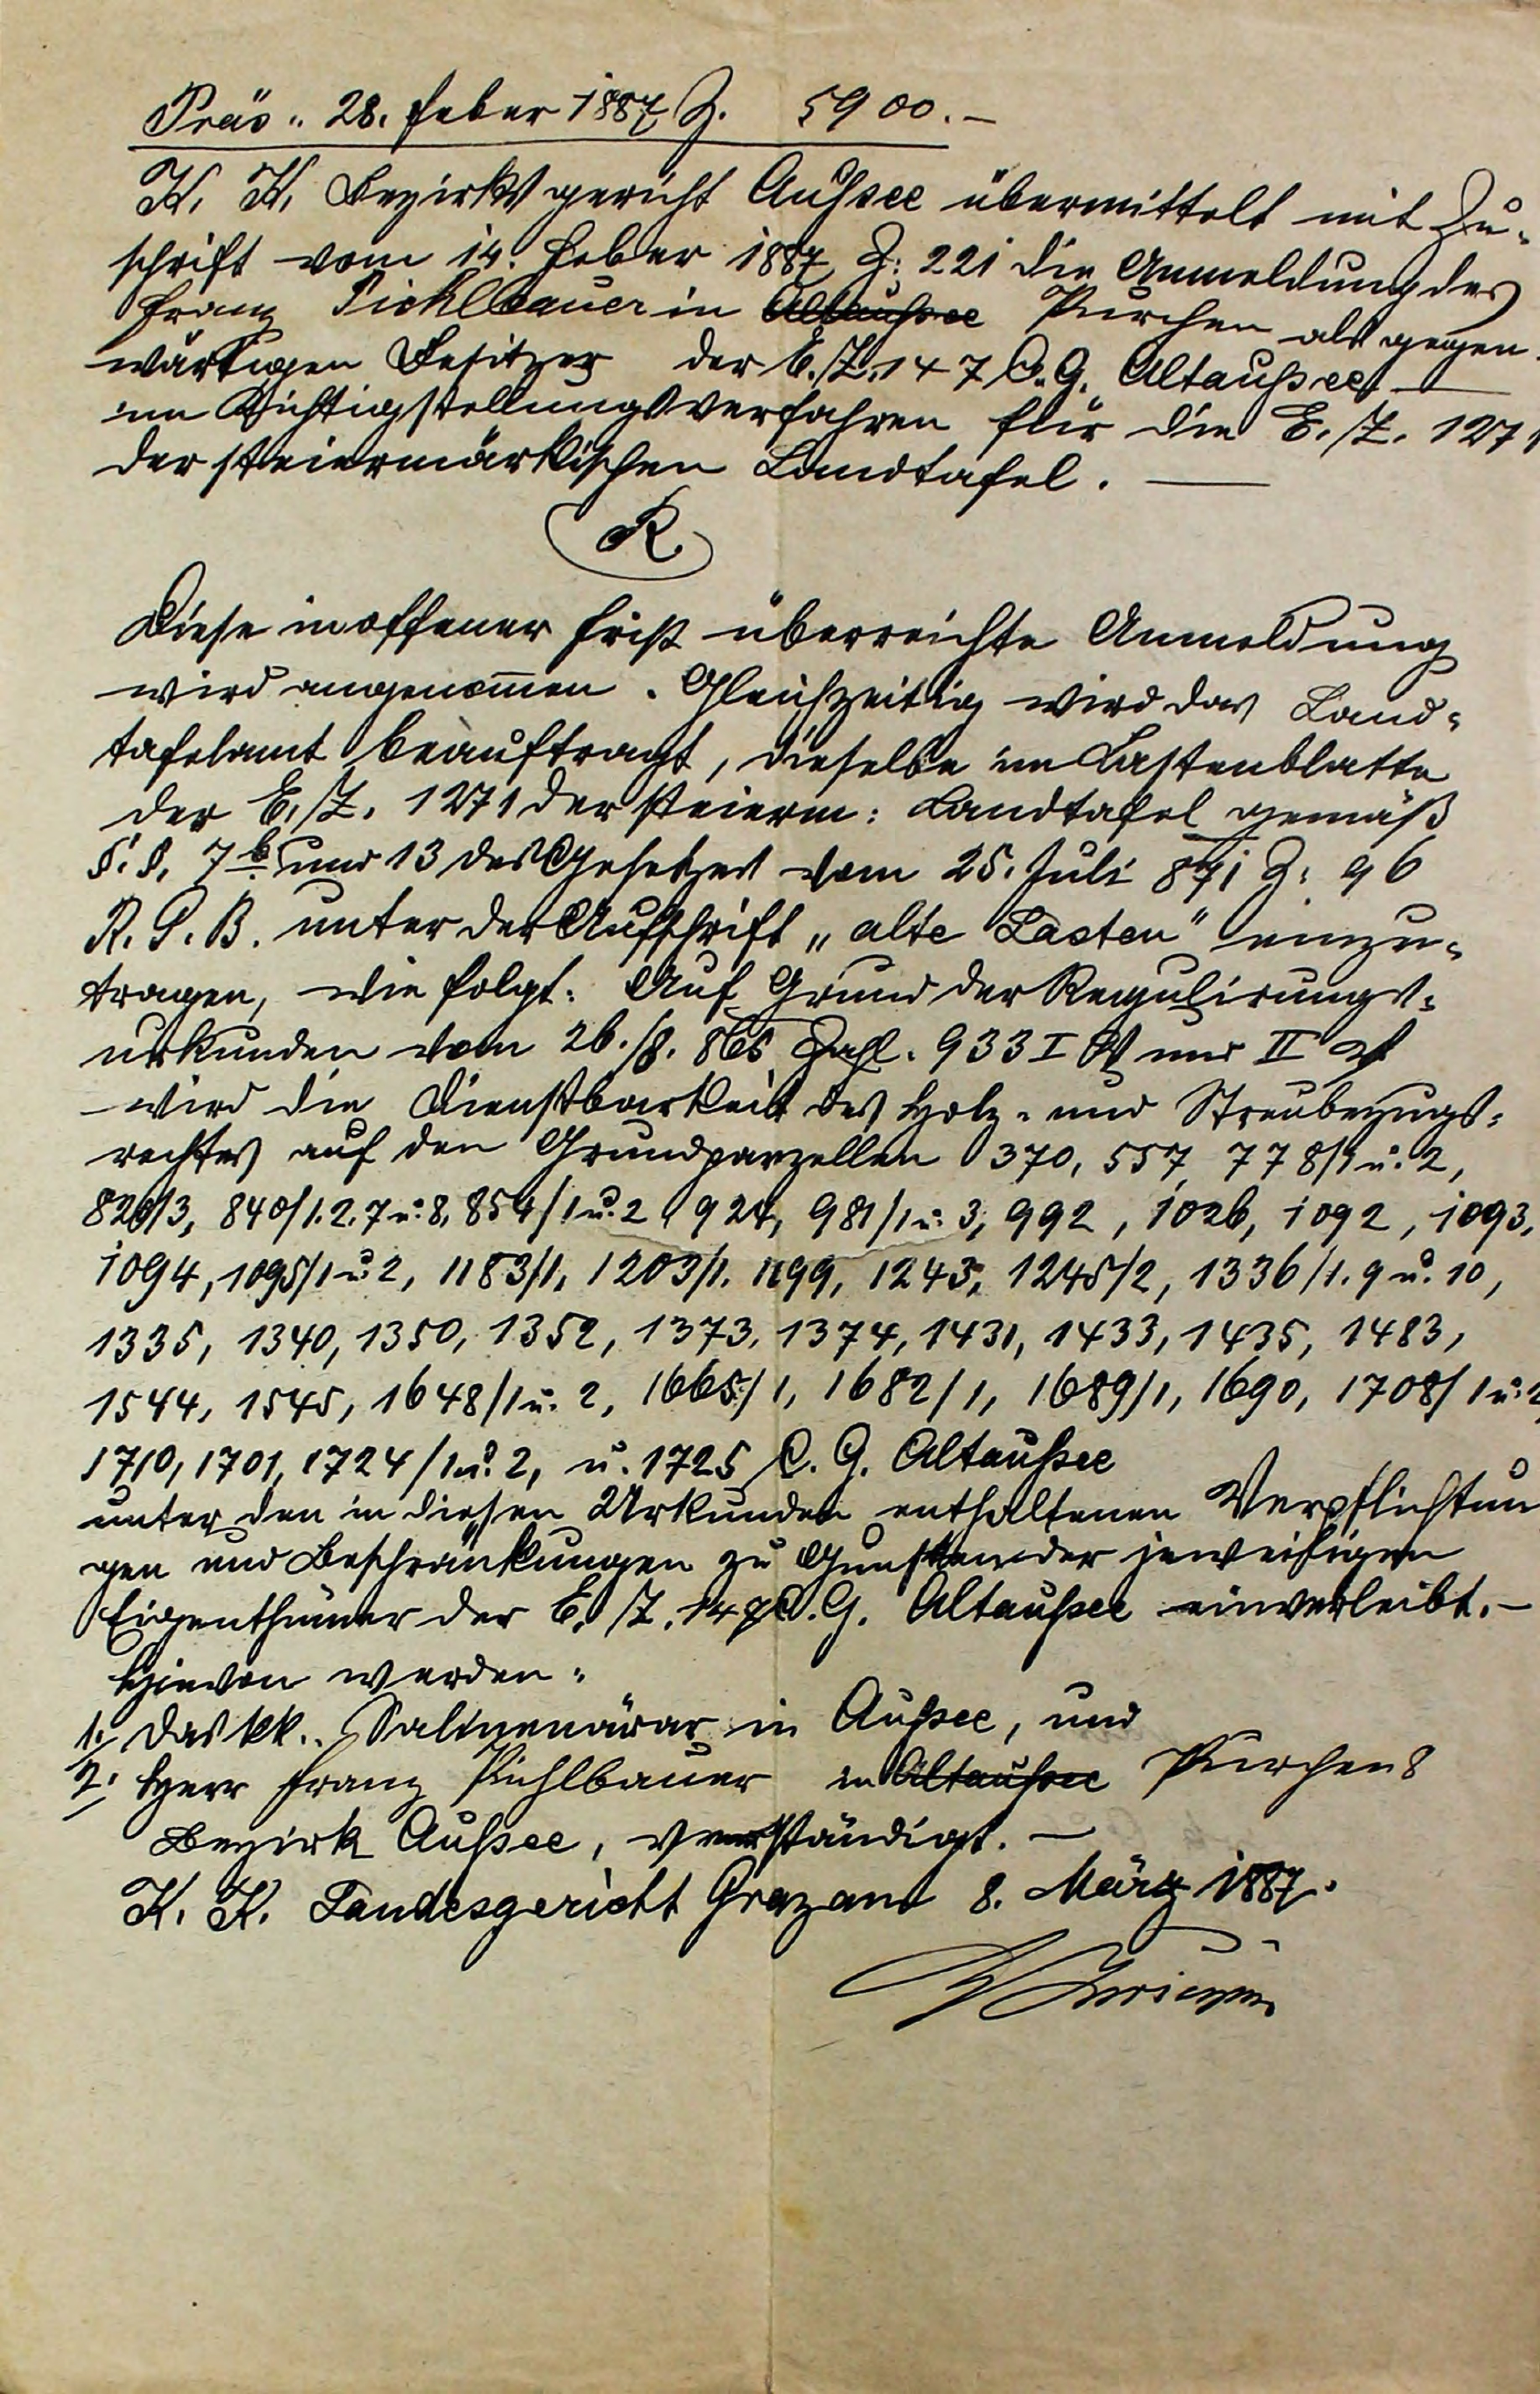Präs. 28, Feber 1887 Y. 59 00.—
K. K. Bezirkt gericht Aussee übermittelt mit Zu„
schrift vom 14. Feber 1887 Z: 221 die Anmeldung des
Franz Pichlbauer in Purchen als gegen.
würtigen Besitzer der 6. Z. 147 O. G. Altaußee —
im Richtigstellungsverfahren für die E.Z. 1271
der steiermärkischen Landtafel. —
R
Diese in offener Frist überreichte Anmeldung
wird angenommen. Gleichzeitig wird das Land„
tafelamt beauftragt, dieselbe im Lastenblatte
der E. Z. 1271 der steierm: Landtafel gemäß
F.P. 7b und 13des Gesetzet vom 25. Juli 871 Z. 96
R.P.B. unter der Aufschrift „alte Lasten" einzu„
tragen, wie folgtÖ Auf Grund der Regulirungs„
urkunden vom 26.-8. 866, Zahl. 933 I V und II V
wird die Dienstbarkeit des Holz- und Streubezugs„
rechtes auf den Grundparzellen 370, 557, 778/1 u. 2,
820/3, 840/ 1, 2, 7 u. 8, 854/ 1 u. 2, 924, 981/1 u. 3, 992, 1026, 1092, 1093,
1094, 1095/1 u. 2, 1183/1, 1203/1, 1199, 1245, 1245/2, 1336/1, 9 u. 10,
1335, 1340, 1350, 1352, 1373, 1374, 1431, 1433, 1435, 1483,
1544, 1545, 1648/ 1 u. 2, 1665/1, 1682/1, 1689/1, 1690, 1708/ 1 u. 2,
1710, 1701, 1724/ 1 u. 2, u. 1725 C. G. Altaussee
unter den in diesen Urkunden enthaltenen Verpflichtun
gen und Beschränkungen zu Gunstender jeweiligen
Eigenthümer der E. Z. 1476. G. Altaussee einverleibt. —
Hievon werden:
1. Das kk. Salinenärar in Aussee, und
2. Herr Franz Pichtlbauer in Purchen 8
Bezirk Aussee, verständigt. —
K.K. Landesgericht Grazam 8. März 1887.
???